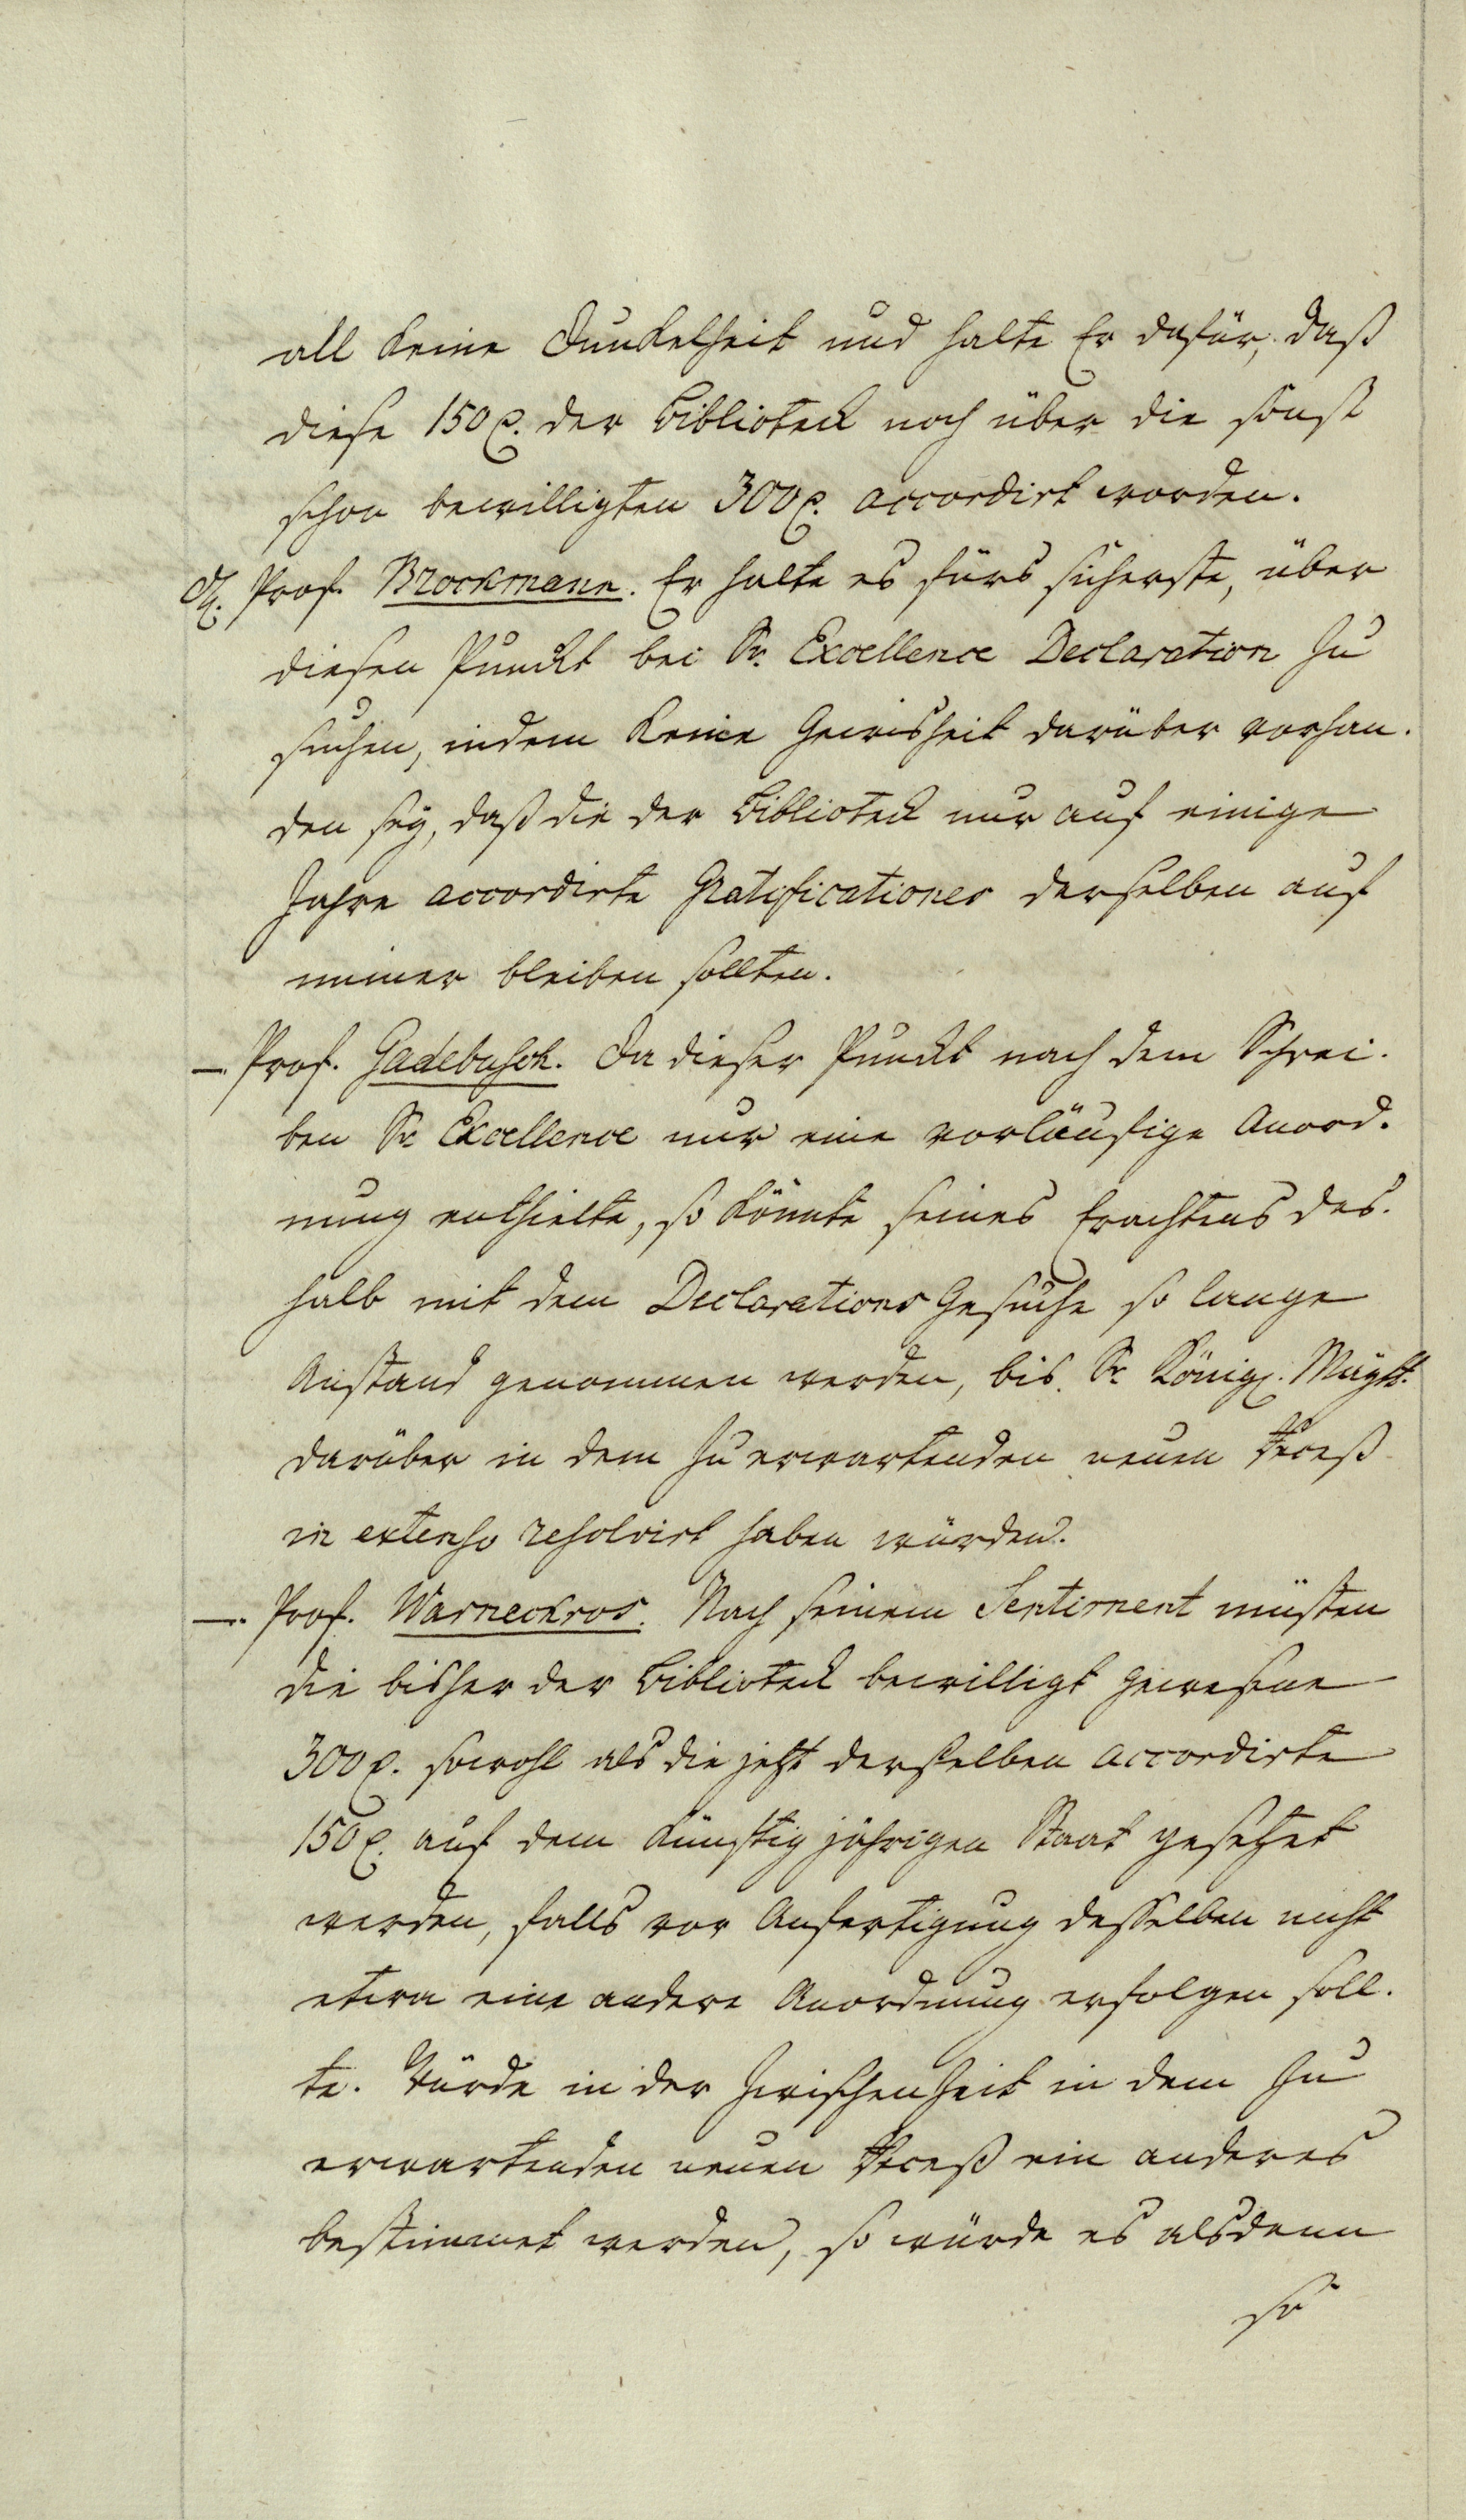all keine Dunkelheit und halte Er dafür, daß
diese 150 rtl. der Bibliotek noch über die sonst
schon bewilligten 300 rtl. accordirt worden.
dh. Prof. Brockmann. Er halte es fürs sicherste, über
diesen Punkt bei Sr. Excellence Declaration zu
suchen, indem keine Gewisheit darüber vorhan¬
den seÿ, daß die der Bibliotek nur auf einige
Jahre accordirte Gratificationes derselben auf
immer bleiben sollten.
— . Prof. Gadebusch. Da dieser Punkt nach dem Schrei¬
ben Sr. Excellence nur eine vorläufige Anord¬
nung enthielte, so könnte seines Erachtens des¬
halb mit dem Declarations Gesuche so lange
Anstand genommen werden, bis Sr. Königl. Maÿst.
darüber in dem zu erwartenden neuen Receß
in extenso resolvirt haben würden.
— . Prof. Warneckros. Nach seinem Sentiment müssten
die bisher der Bibliotek bewilligt gewesenen
300 rtl. sowohl als die jetzt derselben accordirten
150 rtl. auf dem künftig jährigen Staat gesetzet
werden, falls vor Anfertigung desselben nicht
etwa eine andere Anordnung erfolgen soll¬
te. Würde in der Zwischenzeit in dem zu
erwartenden neuen Receß ein anderes
bestimmet werden, so würde es alsdann
so